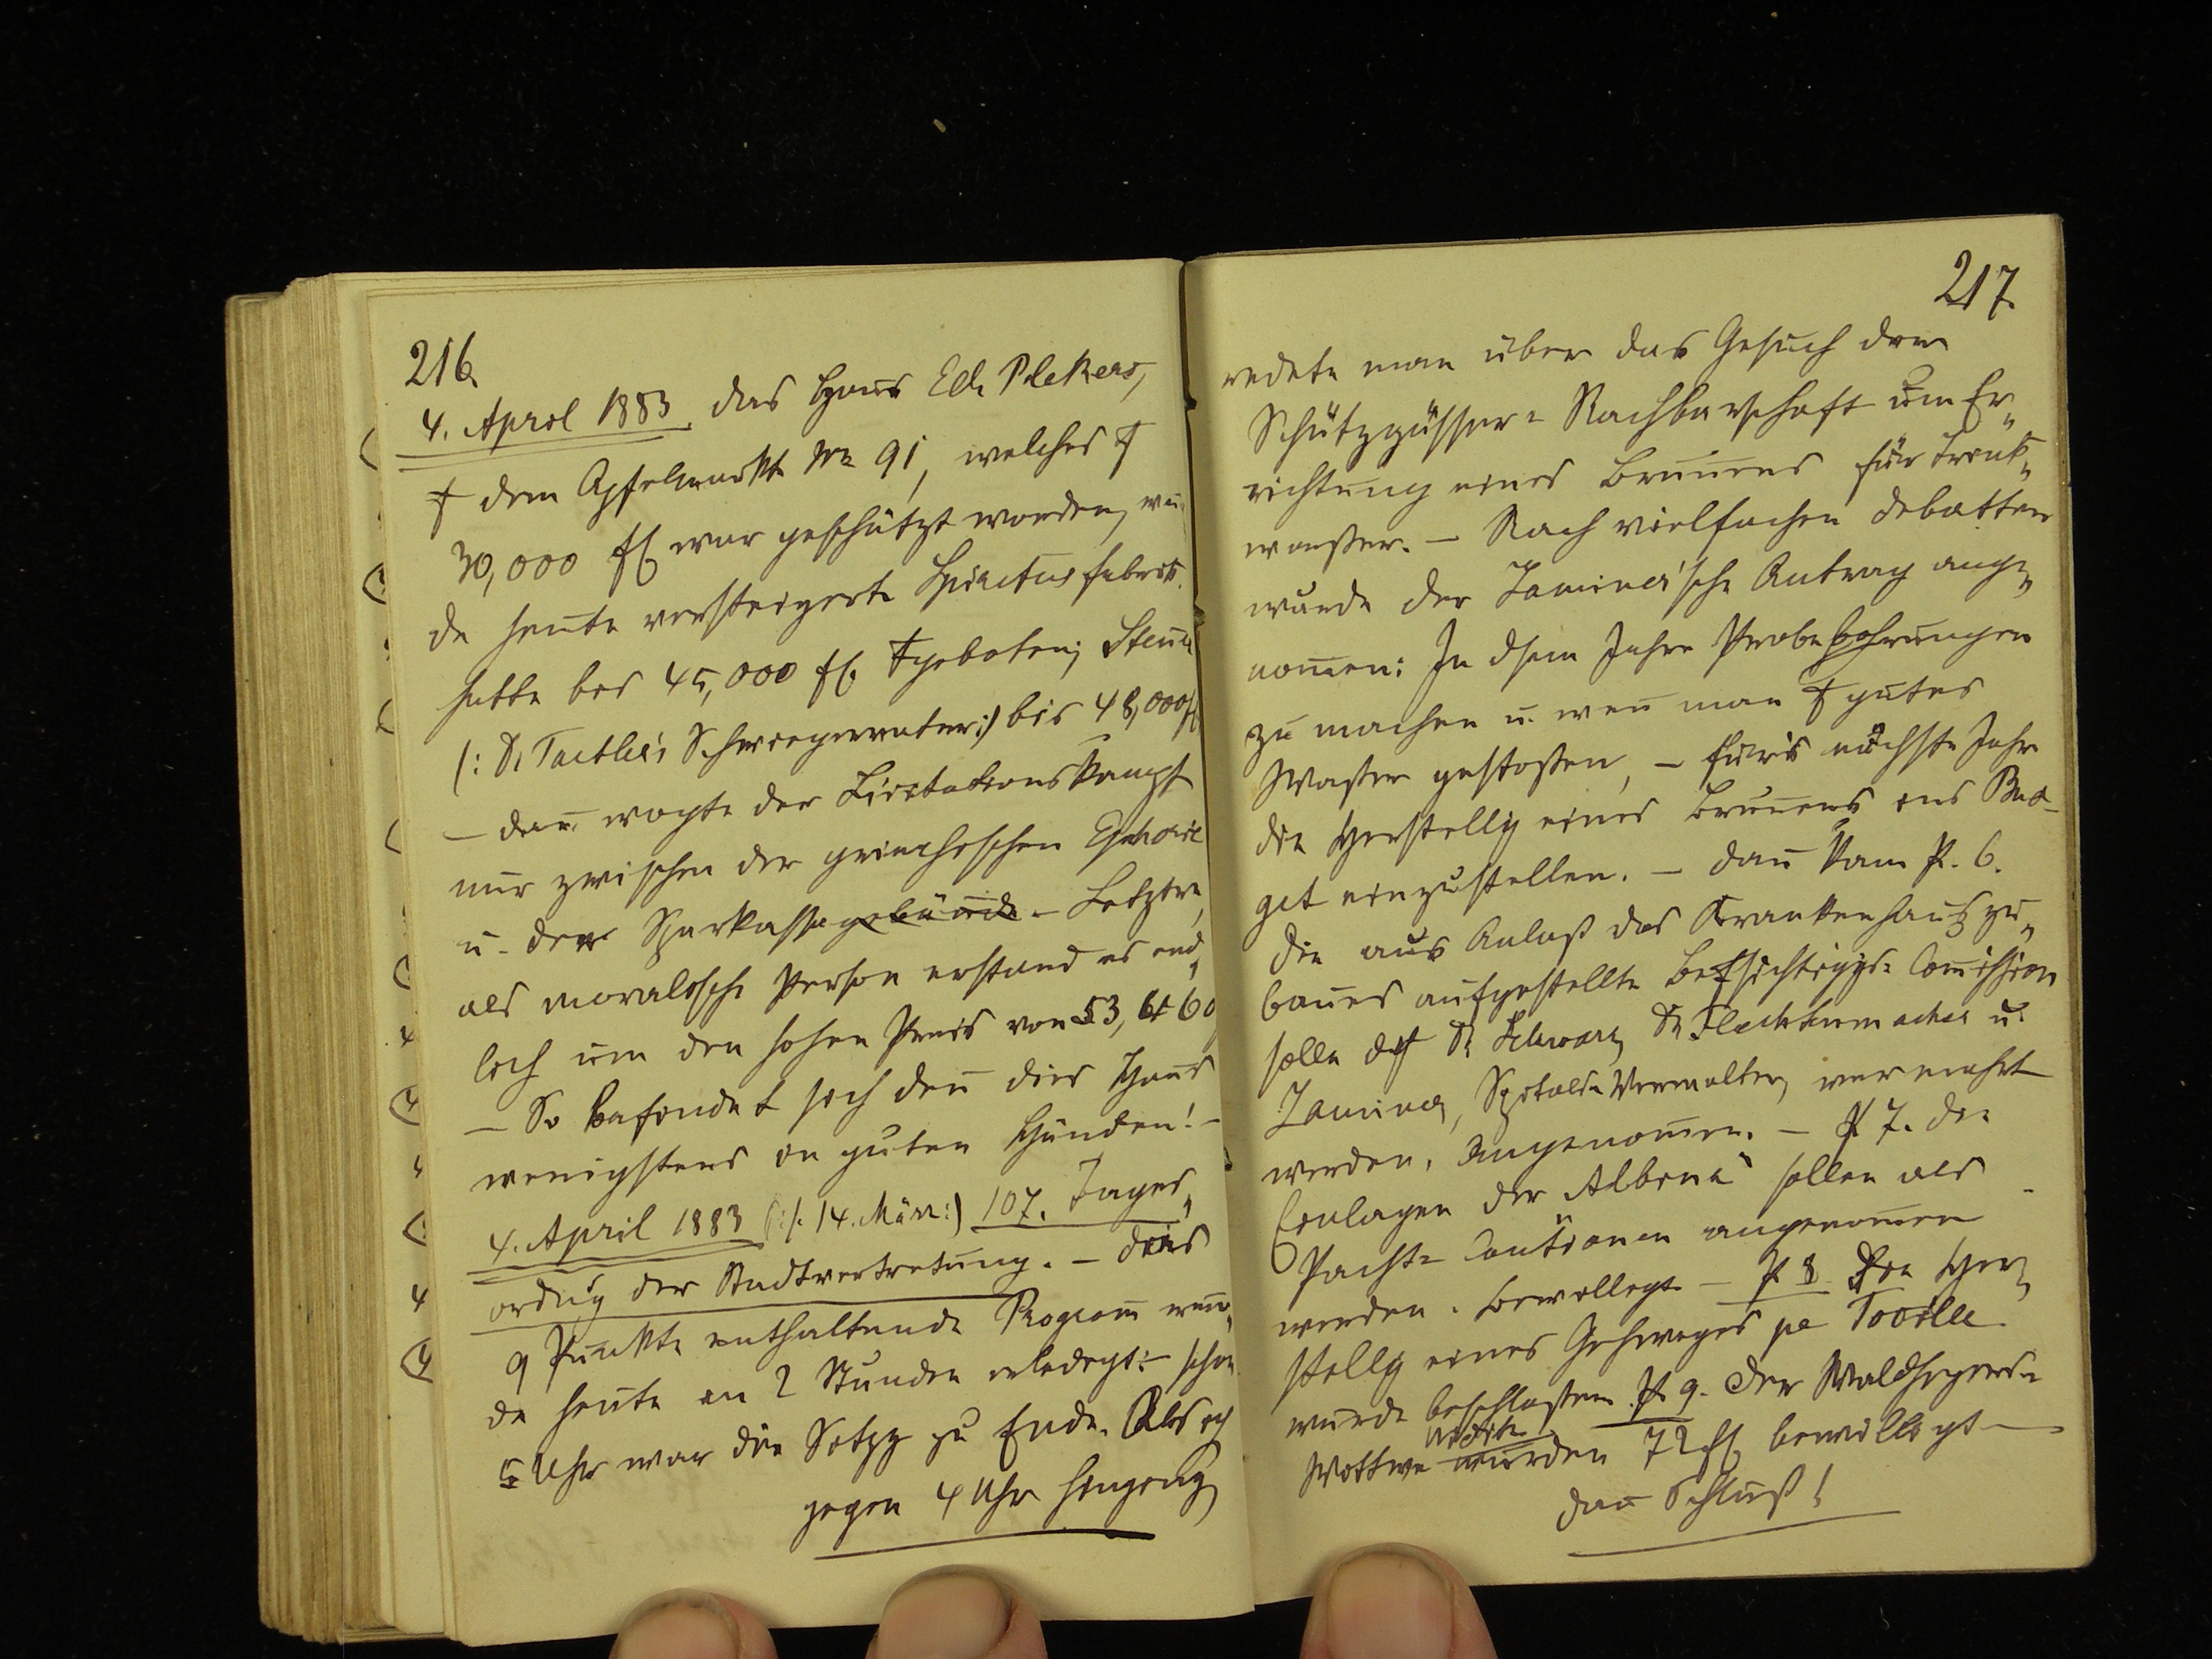216
4. April 1883. Das Haus Ed. Plekers
auf dem Apfelmarkt Nr.91, welches auf
30,000 Fl. war geschätzt worden, wur¬
de heute versteigert. Spiritusfabrikant
hatte bis 45,00 Fl angeboten,- Stenner
( : Dr. Tartlers Schwiegervater : ) bis 48,000 Fl.
- dann wogte der Licitationskampf
nur zwische der griechischen Gatorie
und der Sparkasse –Letztere
als moralische Person erstand es end¬
lich um den stolzen Preis von 53,000 Fl.
- So befindet sich das Haus
wenigstens in guten Händen !—
4. April 1883 (.14 März : ) 107-te Tages¬
ordnung der Stadtvertretung.--- Dieses
9 Punkte enthaltende Programm wur¬
de heute in 2 Stunden erledigt:-schon
5 Uhr war die Sitzung zu Ende. Als ich
gegen 4 Uhr hinging
217
redete man über das Gesuch der
Schützgässer Nachbarschaft um Er¬
richtung eines Brunnens für Trink¬
wasser.- Nach vielfachen Debatten
wurde der Taminer´sche Antrag ange¬
nommen: In diesem Jahr Probebohrungen
zu machen und wenn man auf gutes
Wasser gestoßen,-- für`s nächste Jahr
die Herstellung eines Brunnens ins Bud¬
get einzustellen.- Dann kam P.6
die aus Anlaß das Krankenhaus zu
bauen aufgestellte Besichtigungs Commission
solle durch Dr. Schwarz, Dr. Flechtenmacher und
Tamine, Spitals- Verwalter verwahrt
werden, angenommen.- P. 7. Die
Einlage der Albena sollen als
Pacht Cautionen angenommen
werden, bewilligt- P. 8. Die Her¬
stellung eines Gehweges pe Tocille
wurde beschlossen.- P 9: Der Waldhegers
Widick
Wottra wurden 72. F.l bewilligt.-
Dann Schluß !